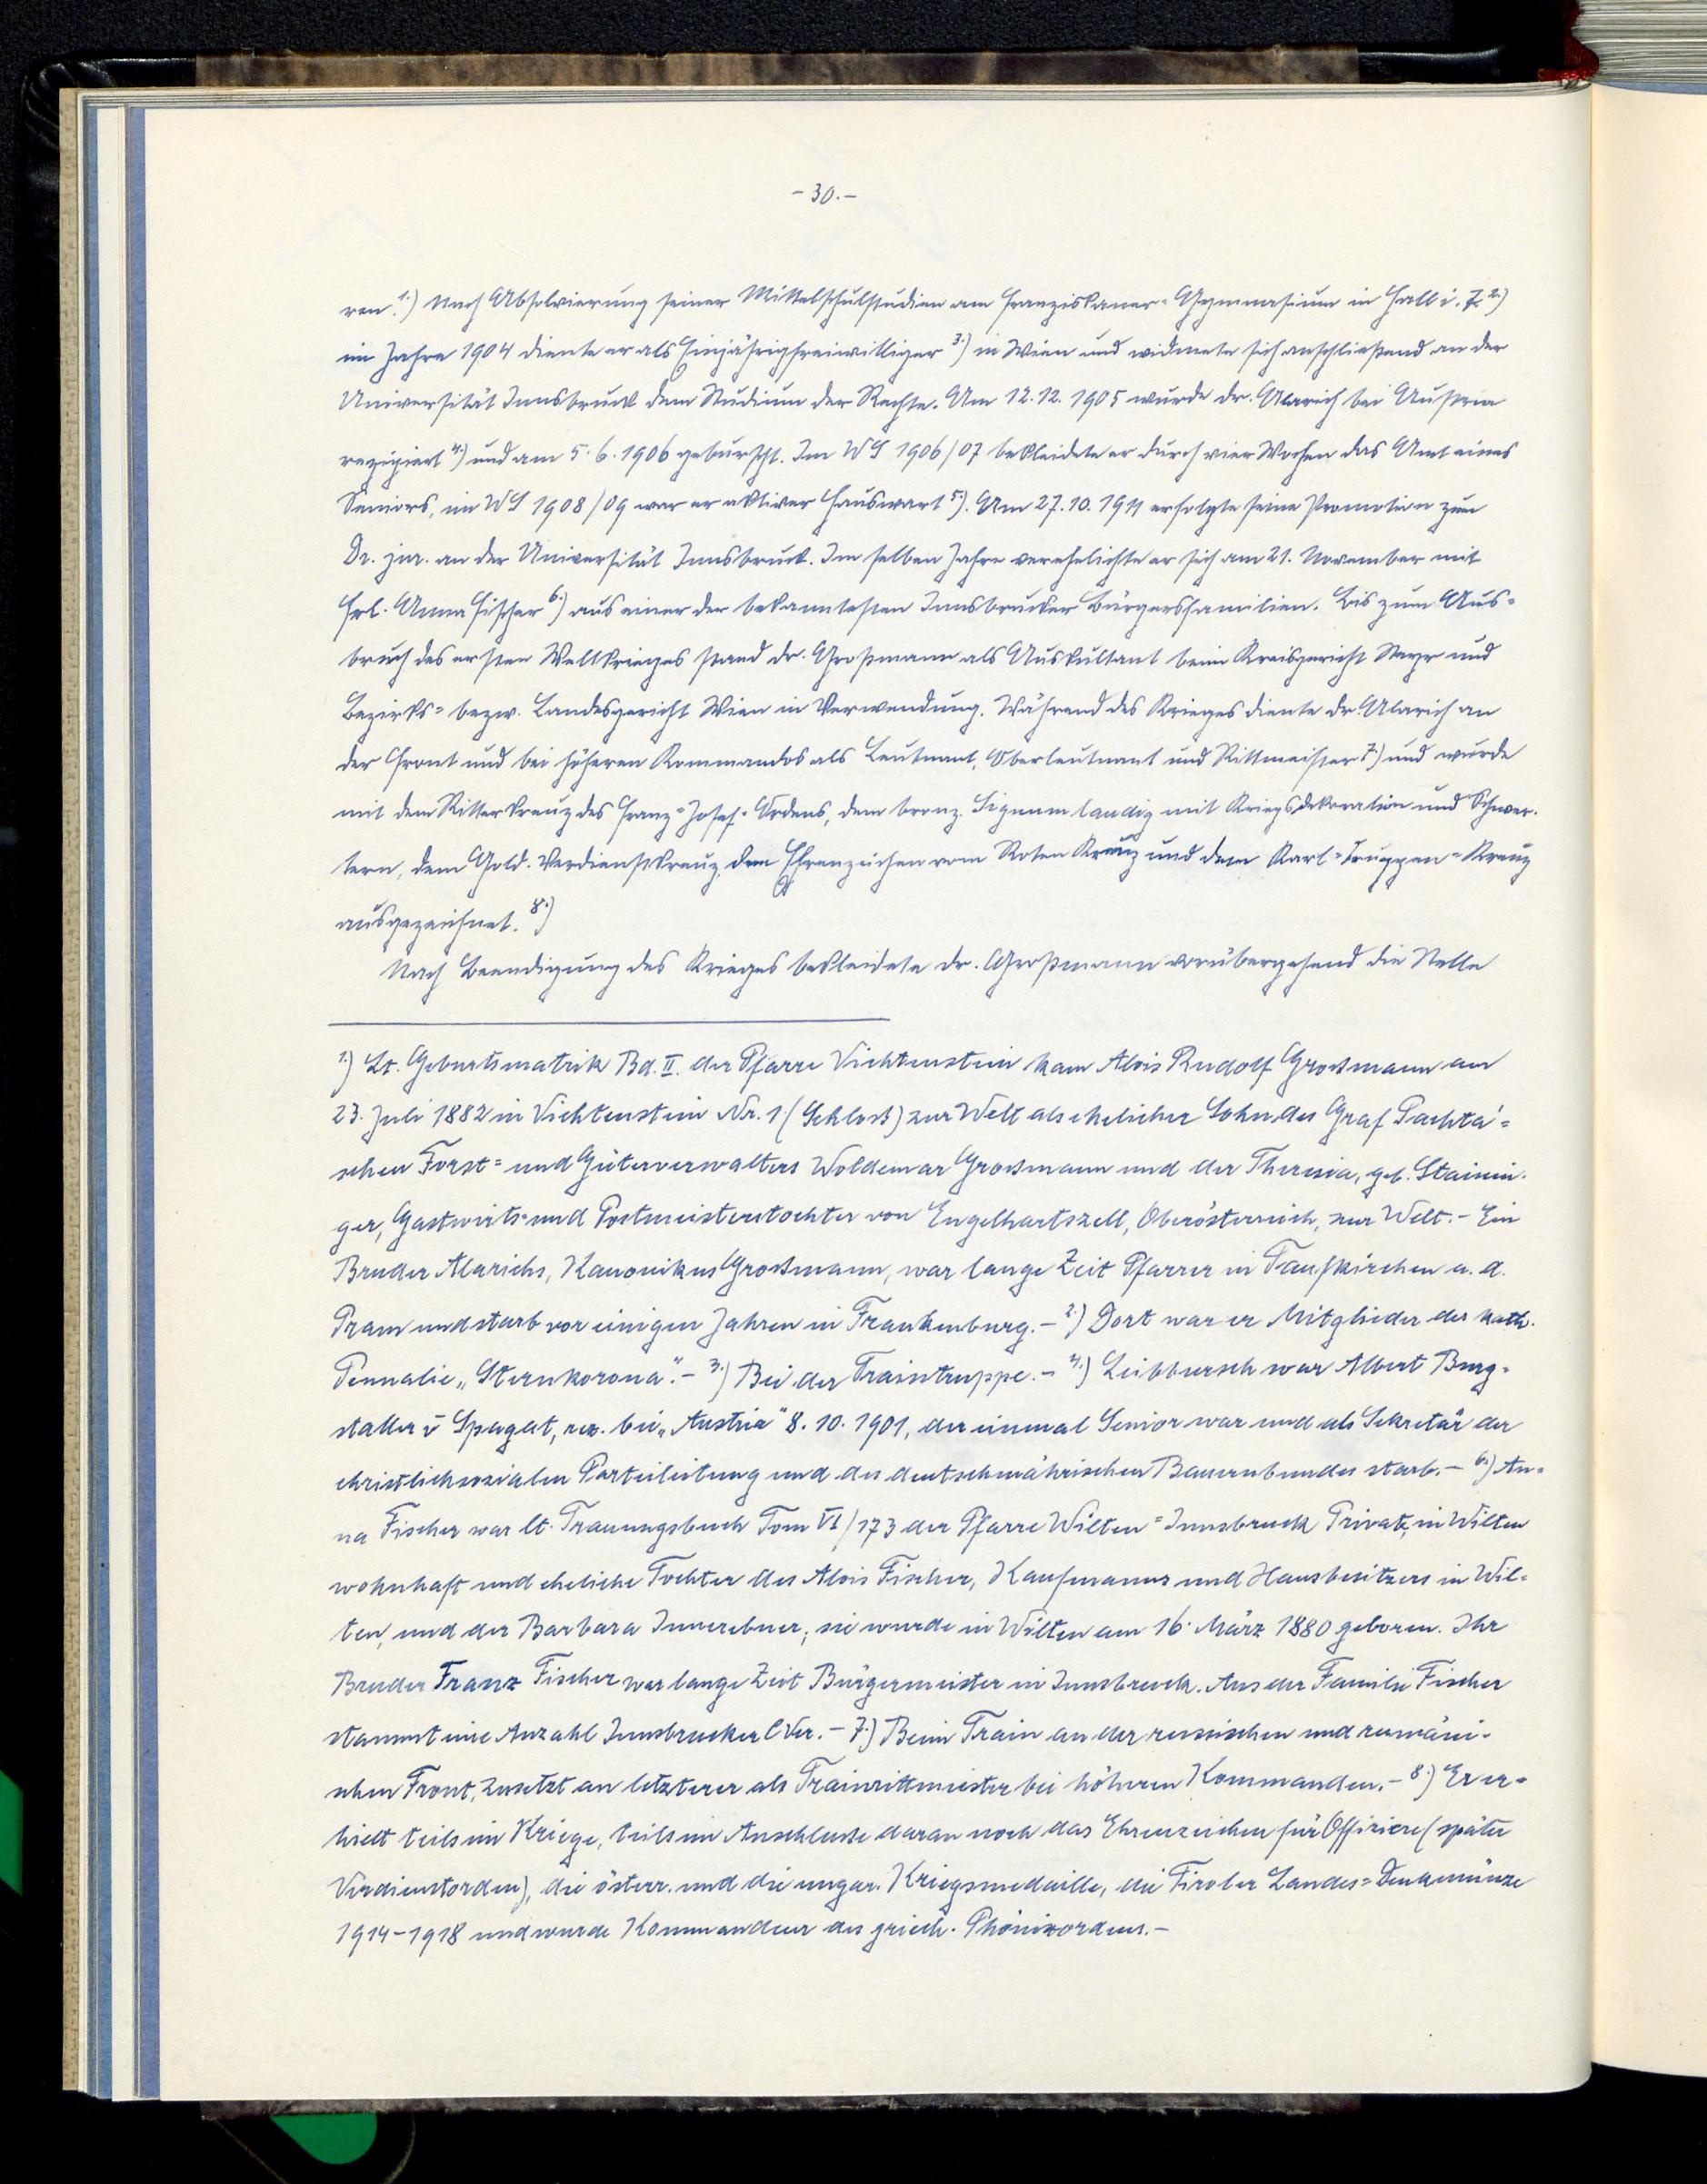30
ren. 1) Nach Absolvierung seiner Mittelschulstudien am Franziskanergymnasium in Hall i. T. 2)
im Jahre 1904 diente er als Einjährigfreiwilliger in Wien und widmete sich anschließend an der
Universität Innsbruck dem Studium der Rechte. Am 12.12.1905 wurde Dr. Alarich bei Austria
rezipiert 4) und am 5.6.1906 geburscht. Im WS 1906/1907 bekleidete er doch vier Wochen das Amt eines
Seniors, im WS 1908/09 war er aktiver Hauswart. 5) Am 27.10.1911 erfolgte seine Promotion zum
Dr. jur. an der Universität Innsbruck. Im selben Jahre verehelichte er sich am 21. November mit
Frl. Anna Fischer 6) aus einer der bekanntesten Innsbrucker Bürgersfamilien. Bis zum Aus-
bruch des ersten Weltkrieges stand Dr. Großmann als Auskultant beim Kreisgericht Steyr und
Bezirks- bzw. Landesgericht Wien in Verwendung. Während des Krieges diente Dr. Alarich an
der Front und bei höheren Kommandos als Leutnant, Oberleutnant und Rittmeister und wurde
mit dem Ritterkreuz des Franz-Josef-Ordens, dem bronz. Signum Laudis mit Kriegsdekoration und Schwer
tern, mit dem goldenen Verdienstkreuz, dem Ehrenzeichen vom Roten Kreuz und dem Karl-Truppen-Kreuz
ausgezeichnet. 8)
Nach Beendigung des Krieges bekleidete Dr. Großmann vorübergehend die Stelle
1) Laut Geburtsmatrik Bd. II. der Pfarre Vichtensteins kam Alois Rudolf Großmann
am 23. Juli 1882 in Vichtenstein Nr. 1 (Schloß) zur Welt als ehelicher Sohn des Graf Pachta‘
schen Forst- und Güterverwalters Waldemar Großmann und der Theresia geb. Stainin-
ger, Gastwirts- und Postmeistertochter von Engelhartszell, Oberösterreich, zur Welt.- Ein
Bruder Alarichs, Kanonikus Großmann, war lange Zeit Pfarrer in Taufkirchen a. d.
Pram und starb vor einigen Jahren in Frankenberg.- 2) Dort war er Mitglieder des kath.
Pennalie „Sternkorona“,- 3) Bei der Traintruppe.- 4) Leibbursch war Albert Burg-
staller v/o Spagat, rez. bei Austria 8.10.1901, der einmal Senior war und als Sekretär der
christlichsozialen Parteileitung und des deutschmährischen Bauernbundes starb.- 6) An.
na Fischer war lt Trauungsbuch Tom VI/173 der Pfarre Wilten -Innsbruck Privat in Wilten
wohnhaft und eheliche Tochter des Alois Fischer, Kaufmanns und Hausbesitzers in Will-
ten, und der Barbara Innerebner, sie wurde in Wilten am 16. März 1880 geboren. Ihr
Bruder Franz Fischer war lange Zeit Bürgermeister in Innsbruck. Aus der Familie Fischer
stammt eine Anzahl Innsbrucker CVer.- 7) Beim Train an der russischen und rumäni-
schen Front, zuletzt an Letzterer als Trainrittmeister bei höheren Kommanden.- 8) Er er-
hielt teils im Kriege, teils im Anschluß daran noch das Ehrenzeichen für Offiziere (später
Verdienstorden), die österr. und die ungar. Kriegsmedaille, die Tiroler Landes-Denkmünze
1914 - 1918 und wurde Kommandeur des grieg. Phönixordens.-